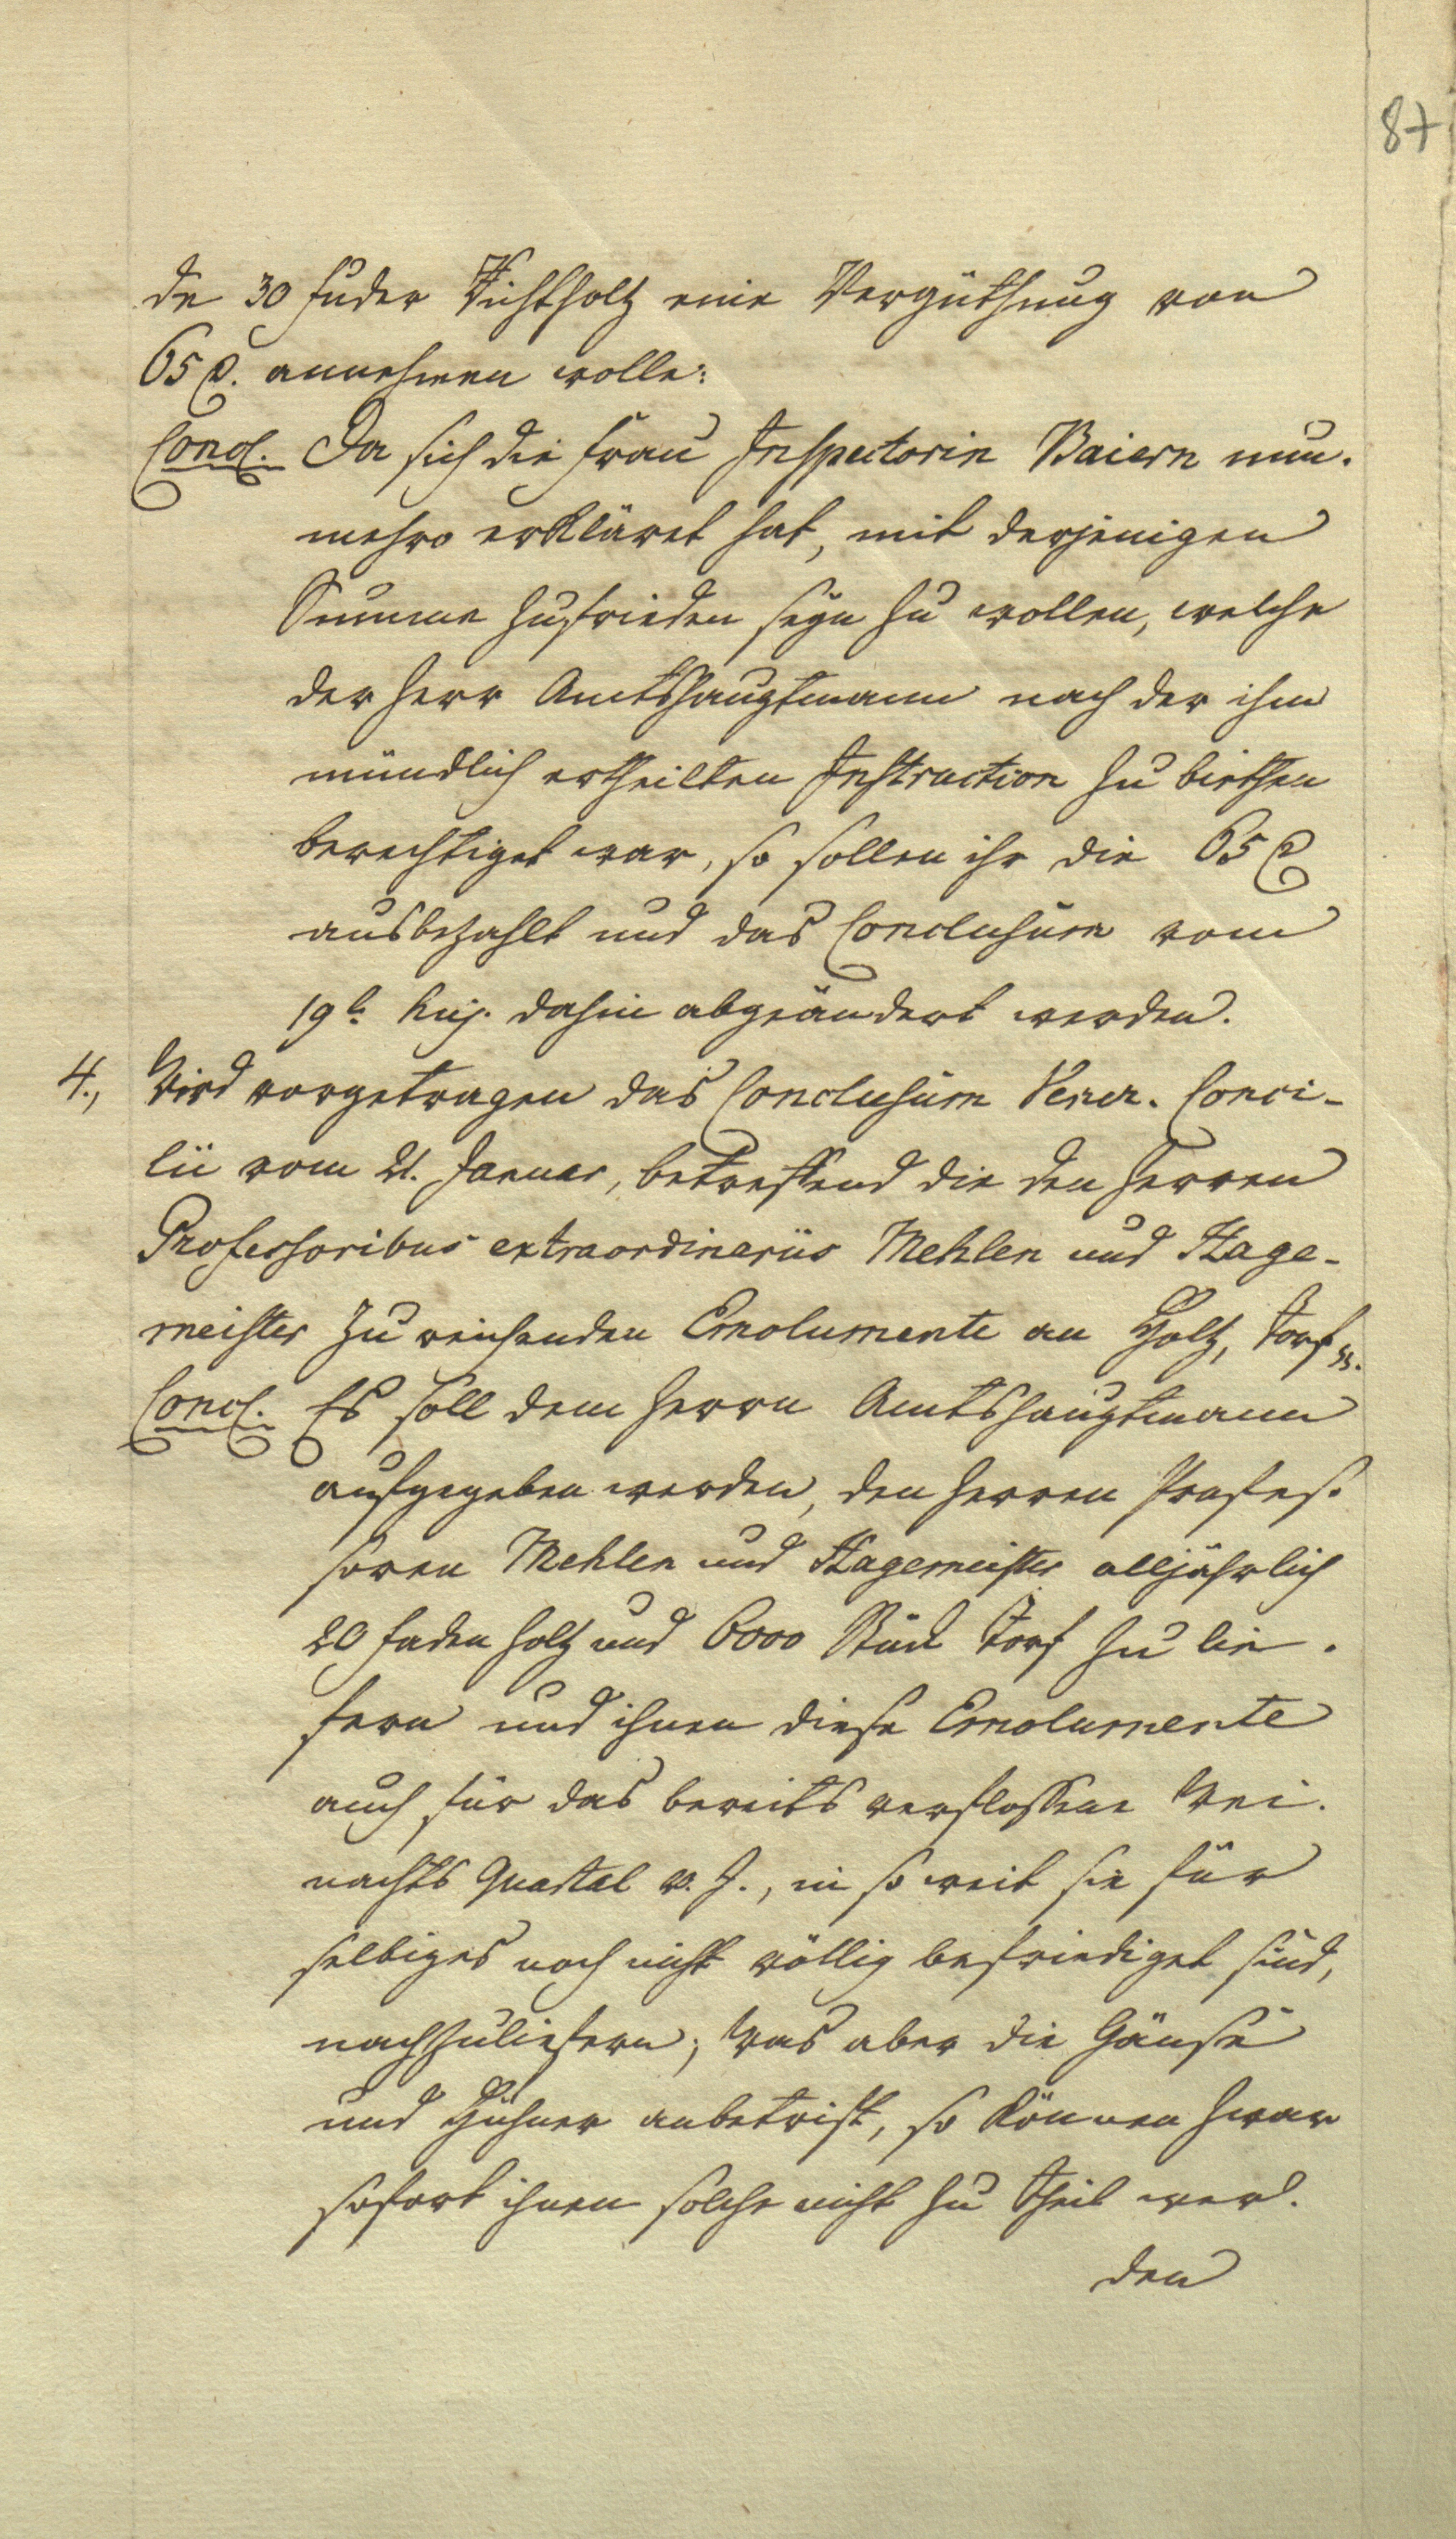de 30 Fuder Richtholz eine Vergüthung von
65 l. annehmen wolle.
Concl. Da sich die Frau Inspectorin Baiern nun¬
mehro erkläret hat, mit derjenigen
Summe zufrieden seÿn zu wollen, welche
der Herr Amtshauptmann nach der ihm
mündlich ertheilten Instruction zu biethen
berechtiget war, so sollen ihr die 65 l.
ausbezahlt und das Conclusum vom
19 t. huj. dahin abgeändert werden.
4. Wird vorgetragen das Conclusum Vener. Conci¬
lii vom 21. Januar, betreffend die den Herren
Professoribus extraordinariis Mehlen und Hage¬
meister zu reichenden Emolumente an Holz, Torf,
Concl. Es soll dem Herrn Amtshauptmann
aufgegeben werden, den Herren Profes¬
soren Mehlen und Hagemeister alljährlich
20 Faden Holz und 6000 Stück Torf zu lie¬
fern und ihnen diese Emolumente
auch für das bereits verflossene Wei¬
nachts Quartal v. J., in so weit sie für
selbige noch nicht völlig befriediget sind,
nachzuliefern; was aber die Gänse
und Hühner anbetrift, so können zwar
sofort ihnen solche nicht zu Theil wer¬
den